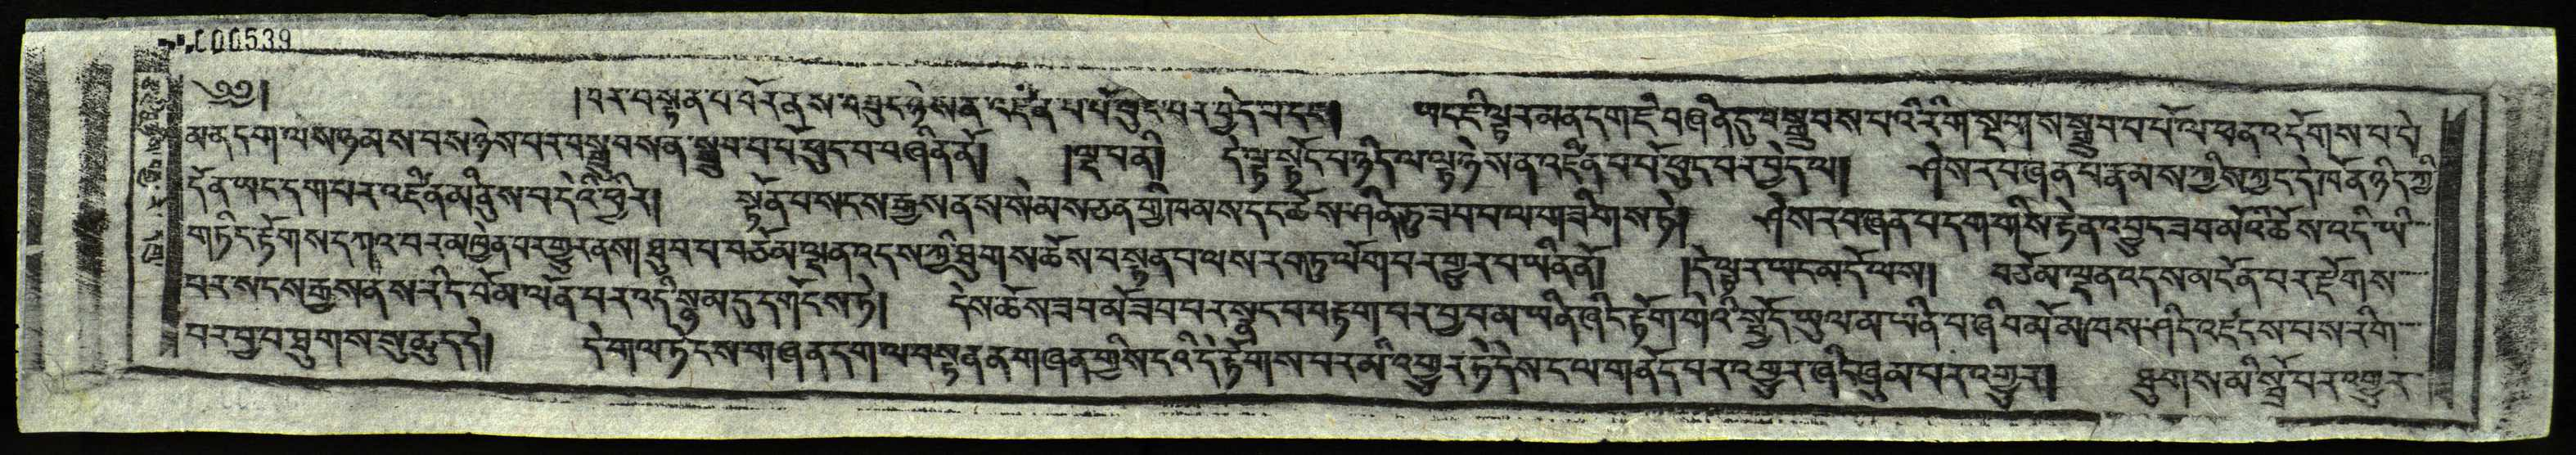༄༅། །བར་བསྟན་པ་བོར་ནས་བཟུང་ཉེས་ན་འཛིན་པ་པོ་ལུང་བར་བྱེད་པ་དང་། ཡང་ཇི་ལྟར་མན་ངག་ཇི་བཞིན་དུ་བསྒྲུབས་པའི་རིག་སྔགས་སྒྲུབ་པ་པོ་ལ་ཕན་འདོགས་པ་དེ།
མན་ངག་ལས་ཉམས་བས་ཉེས་པར་བསྒྲུབས་ན་སྒྲུབ་པ་པོ་ཕུང་པ་བཞིན་ནོ། །ལྔ་པ་ནི། དེ་ལྟ་སྟོང་པ་ཉིད་ལ་ལྟ་ཉེས་ན་འཛིན་པ་པོ་ཕུང་བར་བྱེད་ལ། ཤེས་རབ་ཞན་པ་རྣམས་ཀྱིས་ཀྱང་དེ་ཁོ་ན་ཉིད་ཀྱི་
དོན་ཡང་དག་པར་འཛིན་མི་ནུས་པ་དེའི་ཕྱིར། སྟོན་པ་སངས་རྒྱས་ནས་སེམས་ཅན་གྱི་ཁམས་དང་ཆོས་ཤིན་ཏུ་ཟབ་པ་ལ་གཟིགས་ཏེ། ཤེས་རབ་ཞན་པ་དག་གིས་རྟེན་འབྱུང་ཟབ་མོའི་ཆོས་འདི་ཡི་
གཏིང་རྟོགས་དཀའ་བར་མཁྱེན་པར་གྱུར་ནས། ཐུབ་པ་བཅོམ་ལྡན་འདས་ཀྱི་ཐུགས་ཆོས་བསྟན་པ་ལས་རབ་ཏུ་ལོག་པར་གྱུར་པ་ཡིན་ནོ། །དེ་ལྟར་ཡང་མདོ་ལས། བཅོམ་ལྡན་འདས་མངོན་པར་རྫོགས་
པར་སངས་རྒྱས་ནས་རིང་པོ་མ་ལོན་པར་འདི་སྙམ་དུ་དགོངས་ཏེ། དེས་ཆོས་ཟབ་མོ་ཟབ་པར་སྣང་བ་བརྟག་པར་བྱ་བ་མ་ཡིན་ཞིང་རྟོག་གེའི་སྤྱོད་ཡུལ་མ་ཡིན་པ་ཞིབ་མོ་མཁས་ཤིང་འཛངས་པས་རིག་
པར་བྱ་བ་ཐུགས་སུ་ཆུད་དེ། དེ་གལ་ཏེ་ངས་གཞན་དག་ལ་བསྟན་ན་གཞན་གྱིས་ངའི་དེ་རྟོགས་པར་མི་འགྱུར་ཏེ་དེས་ང་ལ་གནོད་པར་འགྱུར་ཞིང་ཞུམ་པར་འགྱུར། ཐུགས་མི་སྤྲོ་བར་འགྱུར་